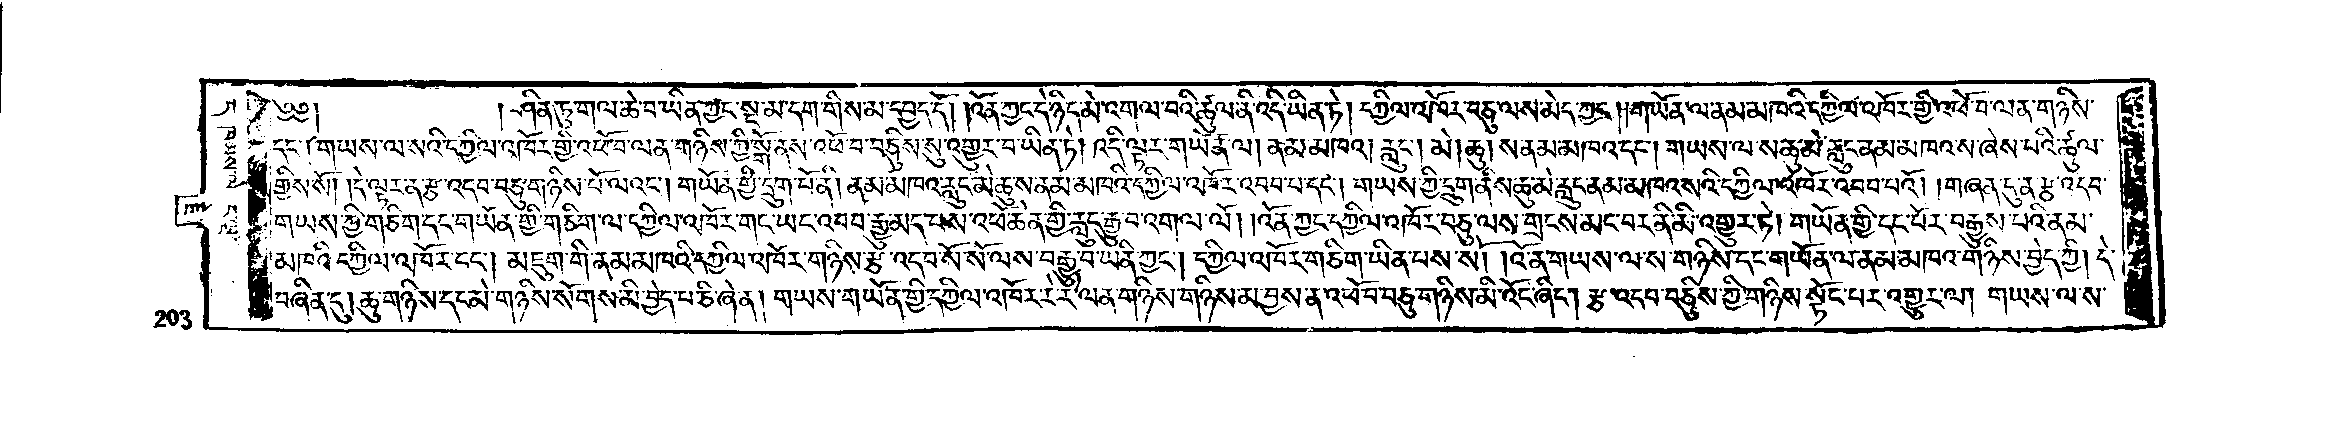༄༅། །ཤིན་ཏུ་གལ་ཆེ་བ་ཡིན་ཀྱང་སྔ་མ་དག་གིས་མ་དཔྱད་དོ། །འོན་ཀྱང་དེ་ཉིད་མེ་འགལ་བའི་ཚུལ་ནི་འདི་ཡིན་ཏེ། དཀྱིལ་འཁོར་བཅུ་ལས་མེད་ཀྱང་། །གཡོན་ལ་ནམ་མཁའི་དཀྱིལ་འཁོར་གྱི་འཕོ་བ་ལན་གཉིས་
དང་། གཡས་ལ་སའི་དཀྱིལ་འཁོར་གྱི་འཕོ་བ་ལན་གཉིས་ཀྱི་སྒོ་ནས་འཕོ་བ་བཅུ་གཉིས་སུ་འགྱུར་བ་ཡིན་ཏེ། འདི་ལྟར་གཡོན་ལ། ནམ་མཁའ། རླུང་། མེ། ཆུ། ས་ནམ་མཁའ་དང་། གཡས་ལ་ས་ཆུ་མེ་རླུང་ནམ་མཁའ་ས་ཞེས་པའི་ཚུལ་
གྱིས་སོ། །དེ་ལྟར་ན་རྩ་འདབ་བཅུ་གཉིས་པོ་ལའང་། གཡོན་གྱི་དྲུག་པོ་ནི། ནམ་མཁའ་རླུང་མེ་ཆུ་ས་ནམ་མཁའི་དཀྱིལ་འཁོར་འབབ་པ་དང་། གཡས་ཀྱི་དྲུག་ནི་ས་ཆུ་མེ་རླུང་ནམ་མཁའ་སའི་དཀྱིལ་འཁོར་འབབ་པའོ། །གཞན་དུ་ན་རྩ་འདབ་
གཡས་ཀྱི་གཅིག་དང་གཡོན་གྱི་གཅིག་ལ་དཀྱིལ་འཁོར་གང་ཡང་འབབ་རྒྱུ་མེད་པས་འཕོ་ཆེན་གྱི་རླུང་རྒྱུ་བ་འགལ་ལོ། །འོན་ཀྱང་དཀྱིལ་འཁོར་བཅུ་ལས་གྲངས་མང་བར་ནི་མི་འགྱུར་ཏེ། གཡོན་གྱི་དང་པོར་བརྒྱུས་པའི་ནམ་
མཁའི་དཀྱིལ་འཁོར་དང་། མཇུག་གི་ནམ་མཁའི་དཀྱིལ་འཁོར་གཉིས་རྩ་འདབ་སོ་སོ་ལས་བརྒྱུ་བ་ཡིན་ཀྱང་། དཀྱིལ་འཁོར་གཅིག་ཡིན་པས་སོ། །འོ་ན་གཡས་ལ་ས་གཉིས་དང་གཡོན་ལ་ནམ་མཁའ་གཉིས་བྱེད་ཀྱི། དེ་
བཞིན་དུ། ཆུ་གཉིས་དང་མེ་གཉིས་སོགས་མི་བྱེད་པ་ཅི་ཞེ་ན། གཡས་གཡོན་གྱི་དཀྱིལ་འཁོར་རེ་རེ་ལན་གཉིས་གཉིས་མ་བྱས་ན་འཕོ་བ་བཅུ་གཉིས་མི་འོང་ཞིང་། རྩ་འདབ་བཅུ་གཉིས་ཀྱི་གཉིས་སྟོང་པར་འགྱུར་ལ། གཡས་ལ་ས་